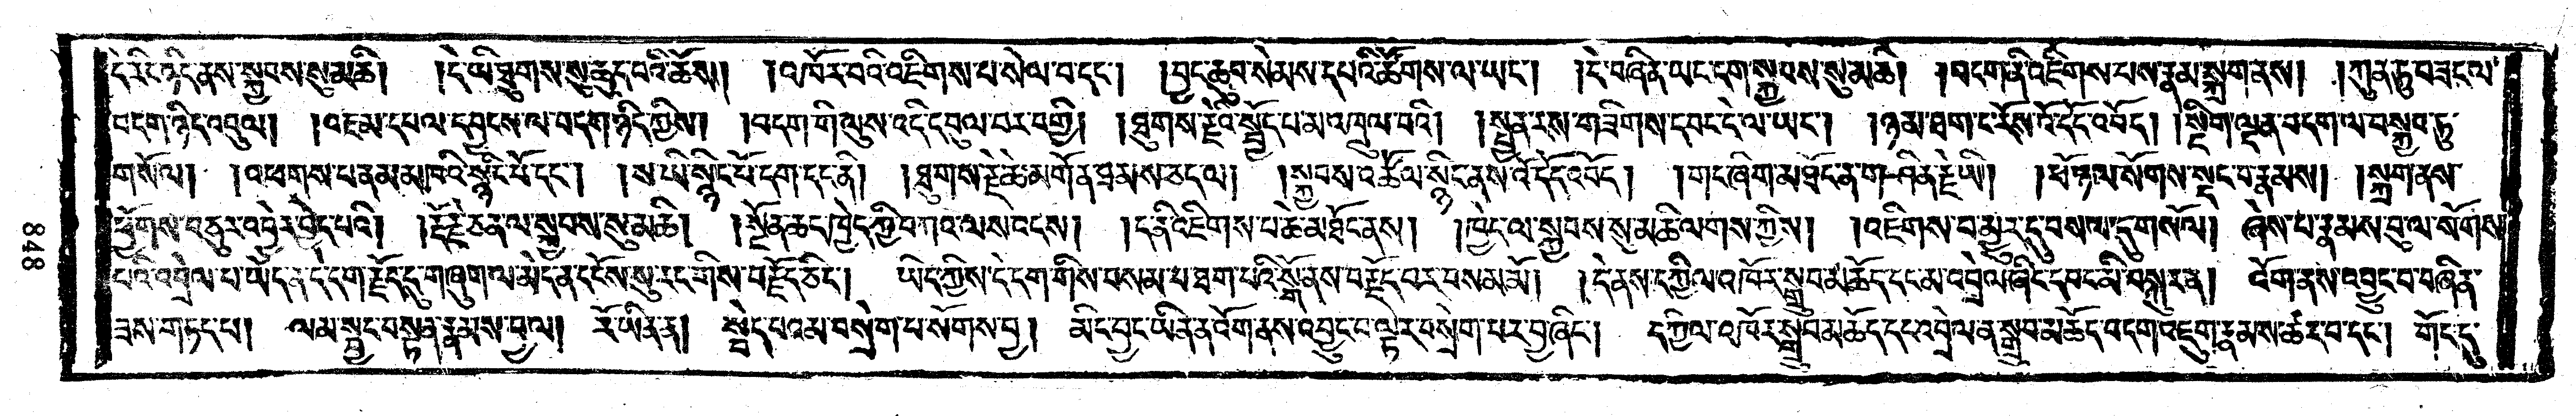དེ་རིང་ཉིད་ནས་སྐྱབས་སུ་མཆི། །དེ་ཡི་ཐུགས་སུ་ཆུད་པའི་ཆོས། །འཁོར་བའི་འཇིགས་པ་སེལ་བ་དང་། །བྱང་ཆུབ་སེམས་དཔའི་ཚོགས་ལ་ཡང་། །དེ་བཞིན་ཡང་དག་སྐྱབས་སུ་མཆི། །བདག་ནི་འཇིགས་པས་རྣམ་སྐྲག་ནས། །ཀུན་ཏུ་བཟང་ལ་
བདག་ཉིད་འབུལ། །འཇམ་དཔལ་དབྱངས་ལ་བདག་ཉིད་ཀྱིས། །བདག་གི་ལུས་འདི་དབུལ་བར་བགྱི། །ཐུགས་རྗེའི་སྤྱོད་པ་མ་འཁྲུལ་བའི། །སྤྱན་རས་གཟིགས་དབང་དེ་ལ་ཡང་། །ཉམ་ཐག་ང་རོས་འོ་དོང་འབོད། །སྡིག་ལྡན་བདག་ལ་བསྐྱབ་ཏུ་
གསོལ། །འཕགས་པ་ནམ་མཁའི་སྙིང་པོ་དང་། །ས་ཡི་སྙིང་པོ་དག་དང་ནི། །ཐུགས་རྗེ་ཆེ་མགོན་ཐམས་ཅད་ལ། །སྐྱབས་འཚོལ་སྙིང་ནས་འོ་འདོད་འབོད། །གང་ཞིག་མཐོང་ན་གཤིན་རྗེ་ཡི། །ཕོ་ཉལ་སོགས་སྡང་བ་རྣམས། །སྐྲག་ནས་
ཕྱོགས་བཅུར་འབྱེར་བྱེད་པའི། །རྡོ་རྗེ་ཅན་ལ་སྐྱབས་སུ་མཆི། །སྔོན་ཆད་ཁྱེད་ཀྱི་བཀའ་ལས་འདས། །ད་ནི་འཇིགས་པ་ཆེ་མཐོང་ནས། །ཁྱེད་ལ་སྐྱབས་སུ་མཆི་ལགས་ཀྱིས། །འཇིགས་བ་མྱུར་དུ་བསལ་དུ་གསོལ། །ཞེས་པ་རྣམས་བུ་ལ་སོགས་
པའི་འབྲེལ་བ་ཡོད་ན་དེ་དག་རྗོད་དུ་གཞུག་ལ་མེད་ན་དངོས་སུ་རང་གིས་བརྗོད་ཅིང་། ཡིད་ཀྱིས་དེ་དག་གིས་བསམ་པ་ཐག་པའི་སྒོ་ནས་བརྗོད་པར་བསམ་མོ། །དེ་ནས་དཀྱིལ་འཁོར་སྒྲུབ་མཆོད་དང་མ་འབྲེལ་ཞིང་དབང་མི་བསྐུར་ན། འོག་ནས་འབྱུང་བ་བཞིན་
ཟས་གཏད་པ། ལམ་སྦྱང་བསྟན་རྣམས་བྱ་ལ། །རོ་ཡིན་ན། སྤེད་བའམ་བསྲེག་པ་སོགས་བྱ། མིང་བྱང་ཡིན་ན་འོག་ནས་འབྱུང་བ་ལྟར་བསྲེག་པར་བྱ་ཞིང་། དཀྱིལ་འཁོར་སྒྲུབ་མཆོད་དང་འབྲེལ་ན་སྒྲུབ་མཆོད་བདག་འཇུག་རྣམས་ཚར་བ་དང་། གོང་དུ་